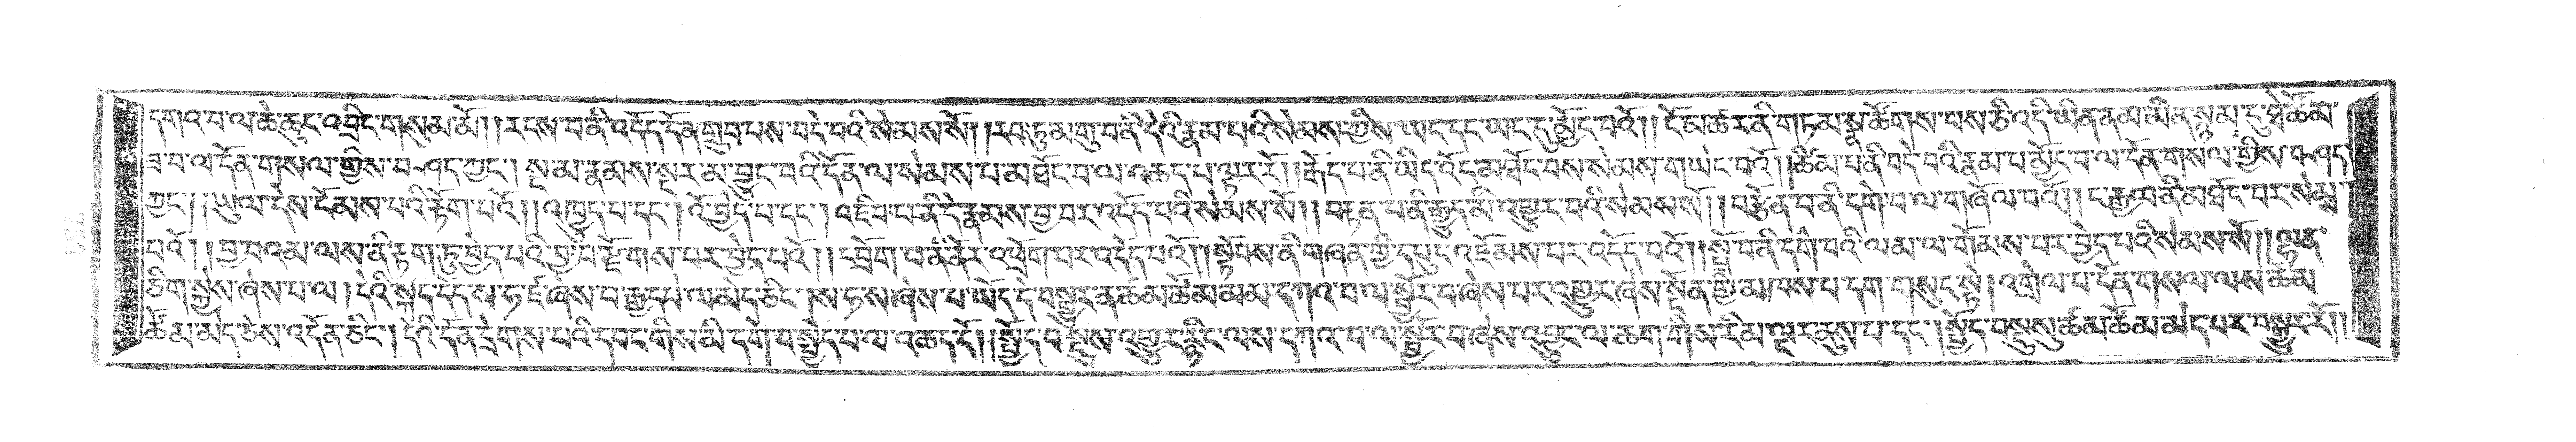དགའ་བ་ལ་ཆེ་ཆུང་འབྲིང་གསུམ་མོ། །རངས་པ་ནི་འདོད་དོན་གྲུབ་པས་བདེ་བའི་སེམས་སོ། །རབ་ཏུ་མགུ་བ་ནི་དེའི་རྣམ་པའི་སེམས་ཀྱིས་ཡང་དང་ཡང་དུ་མྱོང་བའོ། །ངོ་མཚར་ནི་གཏམ་སྣ་ཚོགས་པས་ཅི་འདི་ཡིན་ནམ་མིན་སྙམ་དུ་ཐེ་ཚོམ་
ཟ་བ་ལ་དོན་གསལ་གྱིས་བཤད་ཀྱང་། སྔ་མ་རྣམས་སྔར་མ་བྱུང་བའི་དོན་ལ་སེམས་པ་མཐོང་བ་ལ་འཆད་པ་ལྟར་རོ། །རྒོད་པ་ནི་ཡིད་འོང་མཐོང་བས་སེམས་གཡང་བའོ། །ཚིམ་པ་ནི་བདེ་བའི་རྣམ་པ་མྱོང་བ་ལ་དོན་གསལ་གྱིས་བཤད་
ཀྱང༑ ༑ཡུལ་དེས་ངོམས་པའི་རྟོག་པའོ། །འཁྱུད་པ་དང་། འོ་བྱེད་པ་དང་། འཇིབ་པ་ནི་དེ་རྣམས་བྱ་བར་འདོད་པའི་སེམས་སོ། །བརྟན་པ་ནི་རྒྱུད་མི་འགྱུར་བའི་སེམས་སོ། །བརྩོན་པ་ནི་དགེ་བ་ལ་གཞོལ་བའོ། །ང་རྒྱལ་ནི་མཐོང་བར་སེམས་
པའོ། །བྱ་བའམ་ལས་ནི་རྟག་ཏུ་བྱེད་པའི་བྱ་བ་རྫོགས་པར་བྱེད་པའོ། །དབྲོག་པ་ནི་ནོར་འཕྲོག་པར་འདོད་པའོ། །སྟོབས་ནི་གཞན་གྱི་དཔུང་འཇོམས་པར་འདོད་པའོ། །སྤྲོ་བ་ནི་དགེ་བའི་ལམ་ལ་གོམས་པར་བྱེད་པའི་སེམས་སོ། །ལྷན་
ཅིག་སྐྱེས་ཞེས་པ་ལ། དེའི་སྐད་དེད་ས་ཧ་ཛ་ཞེས་པ་རྒྱ་དཔེ་ལ་མེད་ཅིང་། ས་ཧ་ས་ཞེས་པ་ཡོད་དེ་བསྒྱུར་ན་ཚམ་ཚོམ་མམ་དཀའ་བ་ལ་སྦྱོར་བ་ཞེས་པར་འགྱུར་ཞེས་སྔོན་གྱི་མཁས་པ་དག་གསུང་སྟེ། འགྲེལ་པ་དོན་གསལ་ལས་ཚམ་
ཚོམ་མེད་ཅེས་འདོན་ཅིང་། དེའི་དོན་དྲེགས་པའི་དབང་གིས་མི་དགེ་བ་སྤྱོད་པ་ལ་འཆད་དོ། །སྤྱོད་བསྡུས་འགྱུར་རྙིང་ལས་དཀའ་བ་ལ་སྦྱོར་བ་ཞེས་འབྱུང་ལ་ཆག་གིས་རིམ་ལྔར་ནུས་པ་དང་། སྤྱོད་བསྡུས་སུ་ཚམ་ཚོམ་མེད་པར་བསྒྱུར་རོ། །